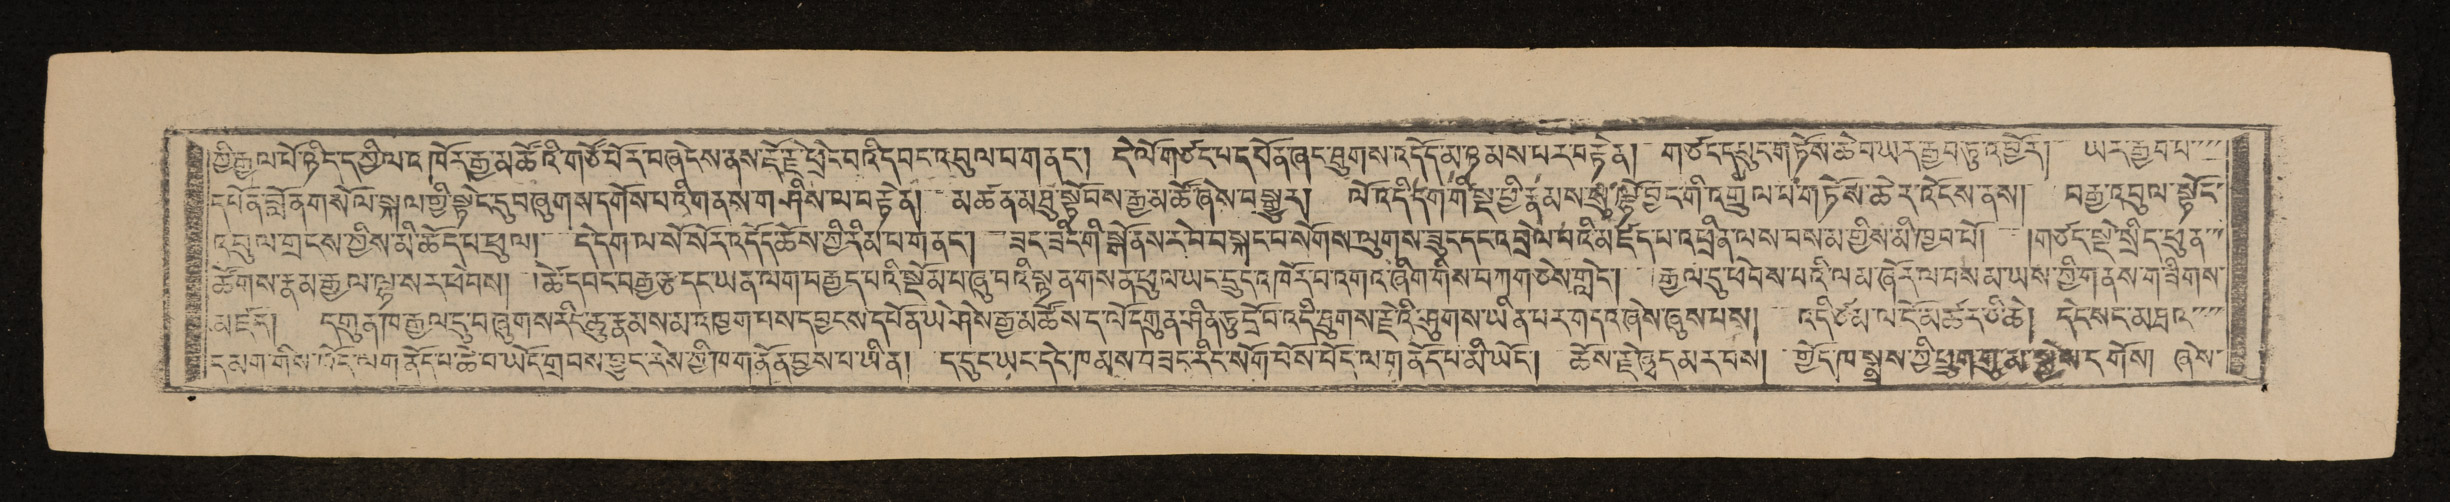ཀྱི་རྒྱལ་པོ་ཉིད་དཀྱིལ་འཁོར་རྒྱ་མཚོའི་གཙོ་བོར་བཞེངས་ནས་རྡོ་རྗེ་ཕྲེང་བའི་དབང་འབུལ་བ་གནང་། དེ་ལོ་གཙང་པ་དཔོན་ཞང་ཐུགས་འདོད་མ་ཉམས་པར་བརྟེན། གཙང་དཔུང་གཏོས་ཆེ་བ་ཡར་རྒྱབ་ཏུ་འབྱོར། ཡར་རྒྱབ་པ་
དཔོན་བློན་གསོལ་སྐལ་གྱི་སྟེང་དུ་བཞུགས་དགོས་པའི་གནས་གཤིས་ལ་བརྟེན། མཚན་མཐུ་སྟོབས་རྒྱ་མཚོ་ཞེས་བསྒྱུར། ལོ་འདི་དག་གི་སྔ་ཕྱི་རྣམས་སུ་ལྷོ་བྱང་གི་འགྲུལ་པ་གཏོས་ཆེར་འོངས་ནས། བརྒྱ་འབུལ་སྟོང་
འབུལ་གྲངས་ཀྱིས་མི་ཆོད་པ་ཕུལ། དེ་དག་ལ་སོ་སོར་འདོད་ཆོས་ཀྱི་རིམ་པ་གནང་། ཟང་ཟིང་གི་སྒོ་ནས་རེ་བ་བསྐང་བ་སོགས་ལུགས་ཟུང་དང་འབྲེལ་བའི་མཛད་བ་འཕྲིན་ལས་བསམ་གྱིས་མི་ཁྱབ་པོ། །གཙང་སྡེ་སྲིད་ཕུན་
ཚོགས་རྣམ་རྒྱལ་ལྷ་སར་ཕེབས། ཚེ་དབང་བརྒྱ་རྩ་དང་ཡན་ལག་བརྒྱད་པའི་སྡོམ་བ་ཞུ་བའི་སྙན་གསན་ཕུལ་ཡང་དྲུང་འཁོར་བ་འགའ་ཞིག་གིས་བཀག་ཅེས་གླེང་། རྒྱལ་དུ་ཕེབས་པའི་ལམ་ཞོར་ལ་བསམ་ཡས་ཀྱི་གནས་གཟིགས་
མཛད། དགུན་ཁ་རྒྱལ་དུ་བཞུགས་རིང་ཆུ་རྣམས་མ་འཁྱག་པས་དབྱངས་དཔོན་ཡེ་ཤེས་རྒྱ་མཚོས་ད་ལོ་དགུན་ཤིན་ཏུ་དྲོ་བ་འདི་ཐུགས་རྗེའི་ཤུགས་ཡིན་པར་གདའ་ཞེས་ཞུས་པས། འདི་ཙམ་ལ་ངོ་མཚར་ཅི་ཆེ། དེང་སང་མཐའ་
དམག་གིས་བོད་ལ་གནོད་པ་ཆེ་བ་ཡོང་གྲབས་བྱུང་རེས་ཀྱི་ཁ་གནོན་བྱས་པ་ཡིན། ད་དུང་ཡང་ངེད་ཁམས་བཟང་རིང་སོག་པོས་བོད་ལ་གནོད་པ་མི་ཡོང་། ཆོས་རྗེ་ཞྭ་དམར་བས། གྱོད་ཁ་སྨྲས་ཀྱི་ཕྲུག་གུ་མ་སྐྱེས་དགོས། ཞེས་